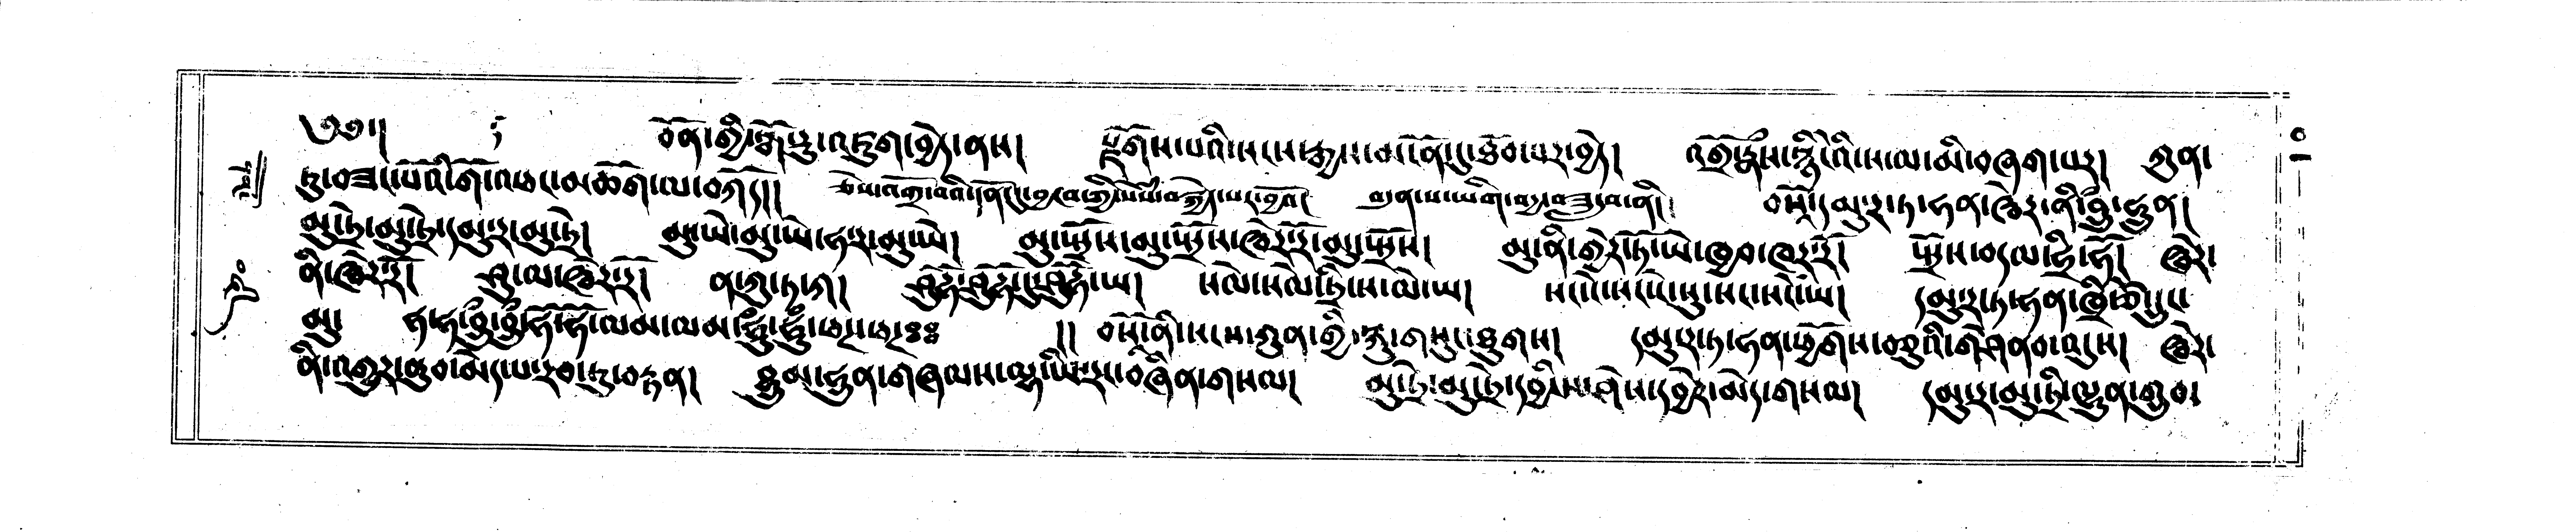བོན་གྱི་སྒོ་ནས་འཇུག་བྱེད་ནས། །རྫོགས་པའི་སངས་རྒྱས་མངོན་དུ་ཐོབ་པར་བྱེད། །འགྲོ་རྣམས་སྙིང་རྗེའི་ས་ལ་མི་བཞག་པར། །ཀུན་
ཏུ་བཟང་པོའི་གོ་འཕང་མཆོག་ལ་བཀོད། །ཅེས་འགྲོ་བའི་དོན་དུ་བྱང་ཆུབ་ཀྱི་སེམས་བསྐྱེད་པར་བྱའོ། །བདུན་པ་ཡིག་བརྒྱ་བཟླས་པ་ནི། བསྭོ་དམུ་ར་ཏ་ཧན་ཝེར་ནི་བྲུཾ་ཧྲུན། 
མུ་ཏྲེ་མུ་ཏྲེ་དམུ་ར་མུ་ཏྲེ། མུ་ཡེ་མུ་ཡེ་ཧ་ར་མུ་ཡེ། མུ་སྤྲོས་མུ་སྤྲོས་ཝེར་རོ་མུ་སྤྲོས། མུ་ནི་གྱེར་ཏོ་ཡེ་ཁྱབ་ཁར་རོ། སྤྲོས་བདལ་ཧྲི་ཧོ། ཝེར་
ནི་ཝེར་རོ། ཤུ་ལ་ཝེར་རོ། ན་ཧུ་ཏ་ཀ ཤུདྷོ་ཤུདྷོ་དུ་ཤུདྷོ་ཡ། སལེ་སལེ་ཏྲི་སལེ་ཡ། སང་ངེ་སང་ངེ་སུ་སང་ངེ་ཡ། དམུ་ར་ཏ་ཧན་ཁྲི་རྩེ་དྲུང་
མུ། ཧ་ཧ་བྲུཾ་བྲུཾ་ཧོ་ཧོ་ལམ་ལམ་ཧཱུཾ་ཧཱུཾ་ཕཊ་ཕཊཿཿ བསྭོ་ནི་སངས་རྒྱས་ཀུན་གྱི་སྐུ་གསུང་ཐུགས། །དམུ་ར་ཏ་ཧན་ཕྱོགས་བཅུའི་གཤེན་རབ་འདུས། །ཝེར་
ནི་འགྱུར་ནུབ་མེད་པར་རབ་ཏུ་བརྟན། །བྷྲུཾ་ཧྲུན་གཞལ་ཡས་ལྷའི་རང་བཞིན་གསལ། །མུ་ཏྲེ་མུ་ཏྲེ་དབྱིངས་ཤེས་དབྱེར་མེད་གསལ། །དམུ་ར་མུ་ཏྲེ་ལྷུན་གྲུབ་